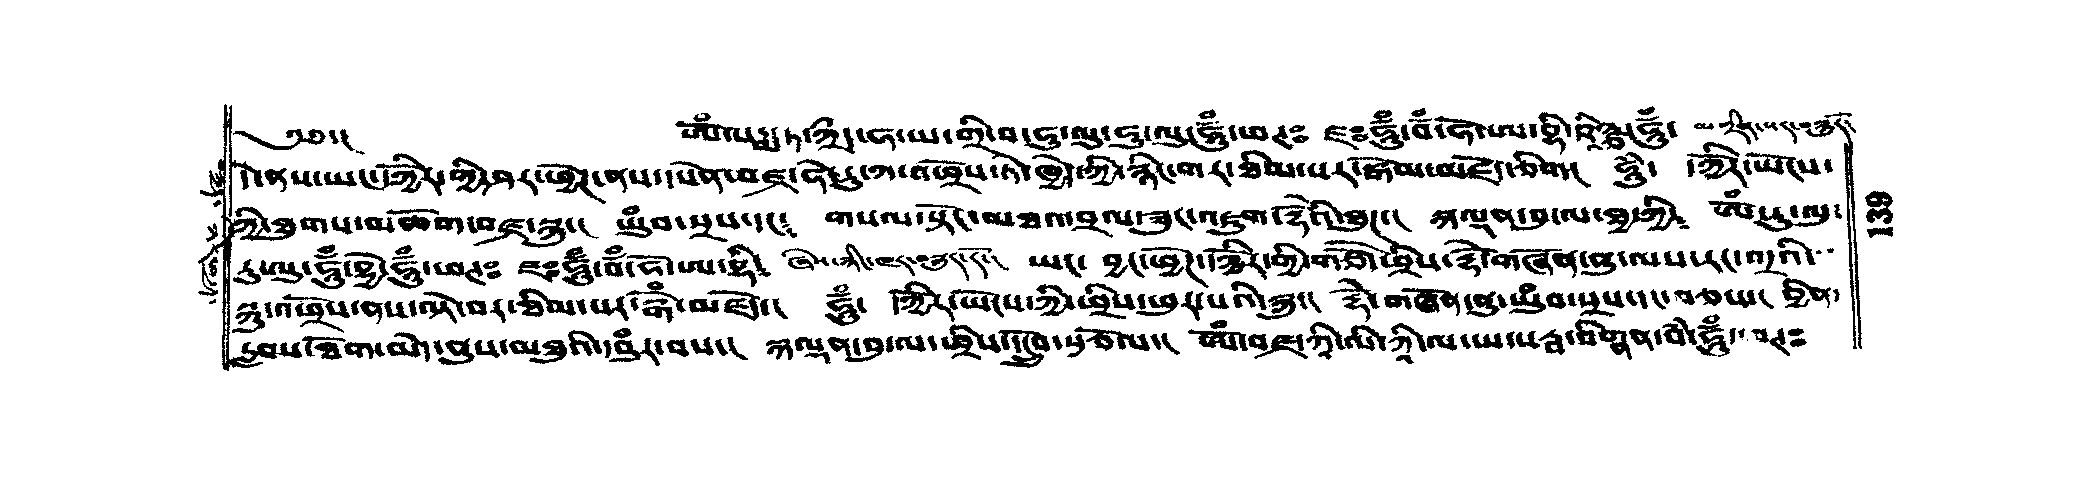ཨོཾ་པདྨ་ཏ་ཀྲྀད་ཧ་ཡ་གྲི་བ་ཧུ་ལུ་ཧུ་ལུ་ཧཱུྃ་ཕཊཿ ཛཿཧཱུྃ་བྃ་ཧོ་ཨ་བྷི་རཱིཉྩ་ཧཱུྃ། མགྲིན་པར་བསྐུར་རོ། 
དེ་ནས་ཡག་དཀྱིལ་འཁོར་གྱི་ཤར་ཕྱོགས་ནས་དཔོན་བཛྲ་ཧེ་རུ་ཀ་འཕྲོས་ཏེ་ཁྱེད་ཀྱི་སྙིང་གར་ཐིམ་པར་སྒོམ་མཛོད་ཅིག ཧཱུྃ། དཀྱིལ་འཁོར་ཡོངས་
ཀྱི་ཐུགས་མཆོག་བཛྲ་སྐུ། ཡབ་ཡུམ་སྲས་དང་། གསལ་སྟོང་མཐའ་བྲལ་ཟུང་འཇུག་རྡོ་རྗེའི་ཐུགས། སྐལ་ལྡན་བུ་ལ་ཐུག་ས་ཀྱི། ཨོཾ་རུ་ལུ་
རུ་ལུ་ཧཱུྃ་བྷྱོ་ཧཱུྃ་ཕཊཿ ཛཿཧཱུྃ་བྃ་ཧོ་ཨ་བྷི༴ ཞེས་སྙིང་ཁར་བསྐུར་རོ། ཡང་། བྱང་ཕྱོགས་དཀྱིལ་འཁོར་གྱི་གཙོ་བོ་ཕྲིན་ལས་རྡོ་རྗེ་གཞོན་ནུ་ལས་རང་འདྲའི་
སྐུ་འཕྲོས་ནས་ལྟེ་བར་ཐིམ་པར་སྒོམ་མཛོད། ཧཱུྃ། དཀྱིལ་འཁོར་ཡོངས་ཀྱི་ཕྲིན་ལས་ཕུར་པའི་སྐུ། རྡོ་རྗེ་གཞོན་ནུ་ཡབ་ཡུམ་སྲས་དང་བཅས། བྱིན་
རླབས་ཐོག་མེད་ནུས་མཐུའི་དབང་བསྐུར་བས། སྐལ་ལྡན་བུ་ལ་ཕྲིན་ལས་དངོས་གྲུབ་སྩོལ། ཨོ་བཛྲ་ཀཱི་ལི་ཀཱི་ལ་ཡ་སརྦ་བིགྣན་བམ་ཧཱུྃ་ཕཊཿ